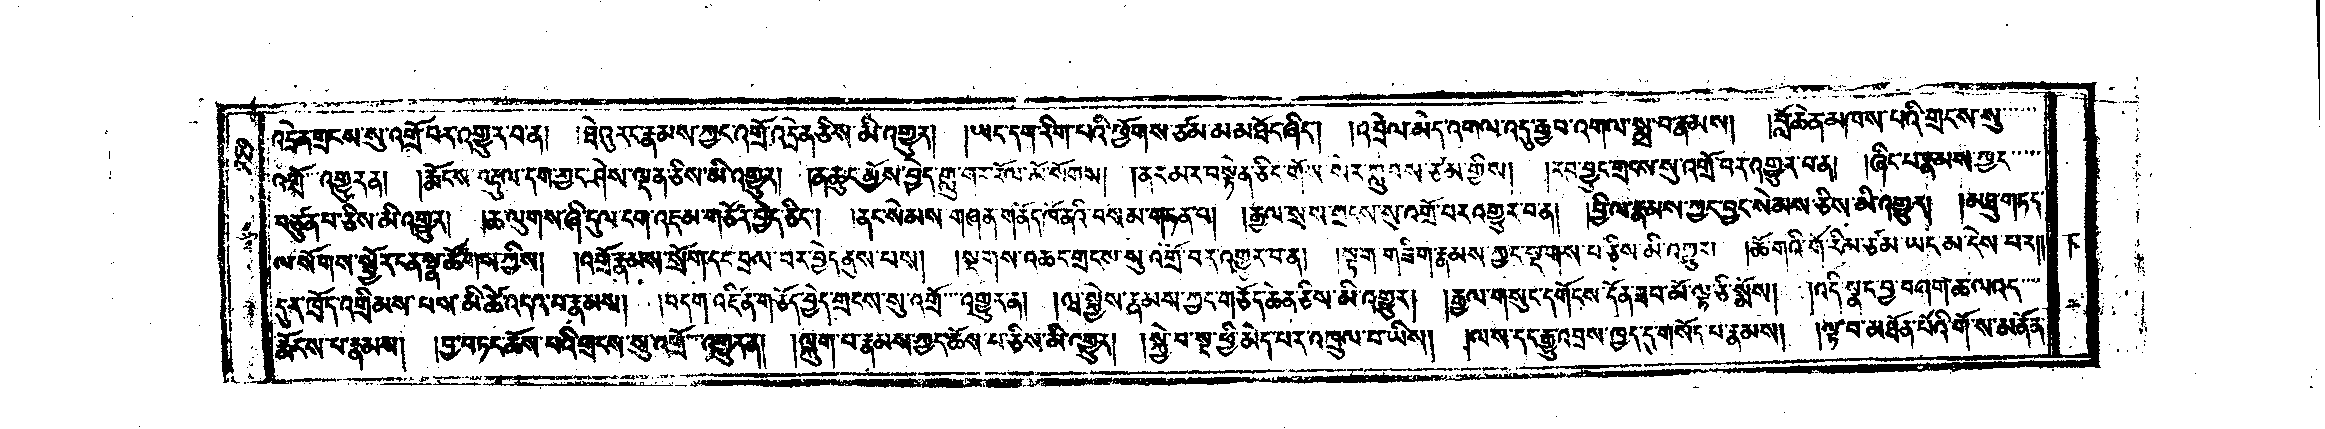འདྲེན་གྲངས་སུ་འགྲོ་པར་འགྱུར་བ་ན། །ཐེའུ་རང་རྣམས་ཀྱང་འགྲོ་འདྲེན་ཅིས་མི་འགྱུར། །ཡང་དག་རིག་པའི་ཕྱོགས་ཙམ་མ་མཐོང་ཞིང་། །འབྲེལ་མེད་འགལ་འདུ་རྒྱབ་འགལ་སྨྲ་བ་རྣམས། །བློ་ཆེན་མཁས་པའི་གྲངས་སུ་
འགྲོ་འགྱུར་ན། །རྨོངས་བརྟུལ་དག་ཀྱང་ཤེས་ལྡན་ཅིས་མི་འགྱུར། །ན་ཆུང་མྱོས་བྱེད་གླུ་གར་རོལ་མོ་སོགས། །ནར་མར་བསྟེན་ཅིང་གོས་སེར་ཀླུབས་ཙམ་གྱིས། །རབ་བྱུང་གྲངས་སུ་འགྲོ་བར་འགྱུར་བ་ན། །ཞིང་པ་རྣམས་ཀྱང་
བཙུན་པ་ཅིས་མི་འགྱུར། །ཆ་ལུགས་ཞི་དུལ་དག་འཇམ་གཙོར་བྱེད་ཅིང་། །ནང་སེམས་གཞན་གནོད་ཁོ་ནའི་བསམ་གཏན་པ། །རྒྱལ་སྲས་གྲངས་སུ་འགྲོ་བར་འགྱུར་བ་ན། །བྱི་ལ་རྣམས་ཀྱང་བྱང་སེམས་ཅིས་མི་འགྱུར། །མཐུ་གཏད་
ལ་སོགས་སྦྱོར་ངན་སྣ་ཚོགས་ཀྱིས། །འགྲོ་རྣམས་སྲོག་དང་བྲལ་བར་བྱེད་ནུས་པས། །སྔགས་འཆང་གྲངས་སུ་འགྲོ་བར་འགྱུར་བ་ན། །སྟག་གཟིག་རྣམས་ཀྱང་སྔགས་པ་ཅིས་མི་འགྱུར། །ཆོ་གའི་གོ་རིམ་ཙམ་ཡང་མ་ངེས་པར།།
དུར་ཁྲོད་འགྲིམས་པས་མི་ཚེ་འདའ་བ་རྣམས། །བདག་འཛིན་གཅོད་བྱེད་གྲངས་སུ་འགྲོ་འགྱུར་ན། །ཝ་སྐྱེས་རྣམས་ཀྱང་གཅོད་ཆེན་ཅིས་མི་འགྱུར། །རྒྱལ་གསུང་དགོངས་དོན་ཟབ་མོ་ལྟ་ཅི་སྨོས། །འདི་སྣང་བྱ་བཞག་ཆ་ལའང་
རྨོངས་པ་རྣམས། །བྱ་བཏང་ཆོས་པའི་གྲངས་སུ་འགྲོ་འགྱུར་ན། །ལྐུག་པ་རྣམས་ཀྱང་ཆོས་པ་ཅིས་མི་འགྱུར། །སྐྱེ་བ་སྔ་ཕྱི་མེད་པར་འཁྲུལ་པ་ཡིས། །ལས་དང་རྒྱུ་འབྲས་ཁྱད་དུ་གསོད་པ་རྣམས། །ལྟ་བ་མཐོན་པོའི་གོ་ས་མནོན་